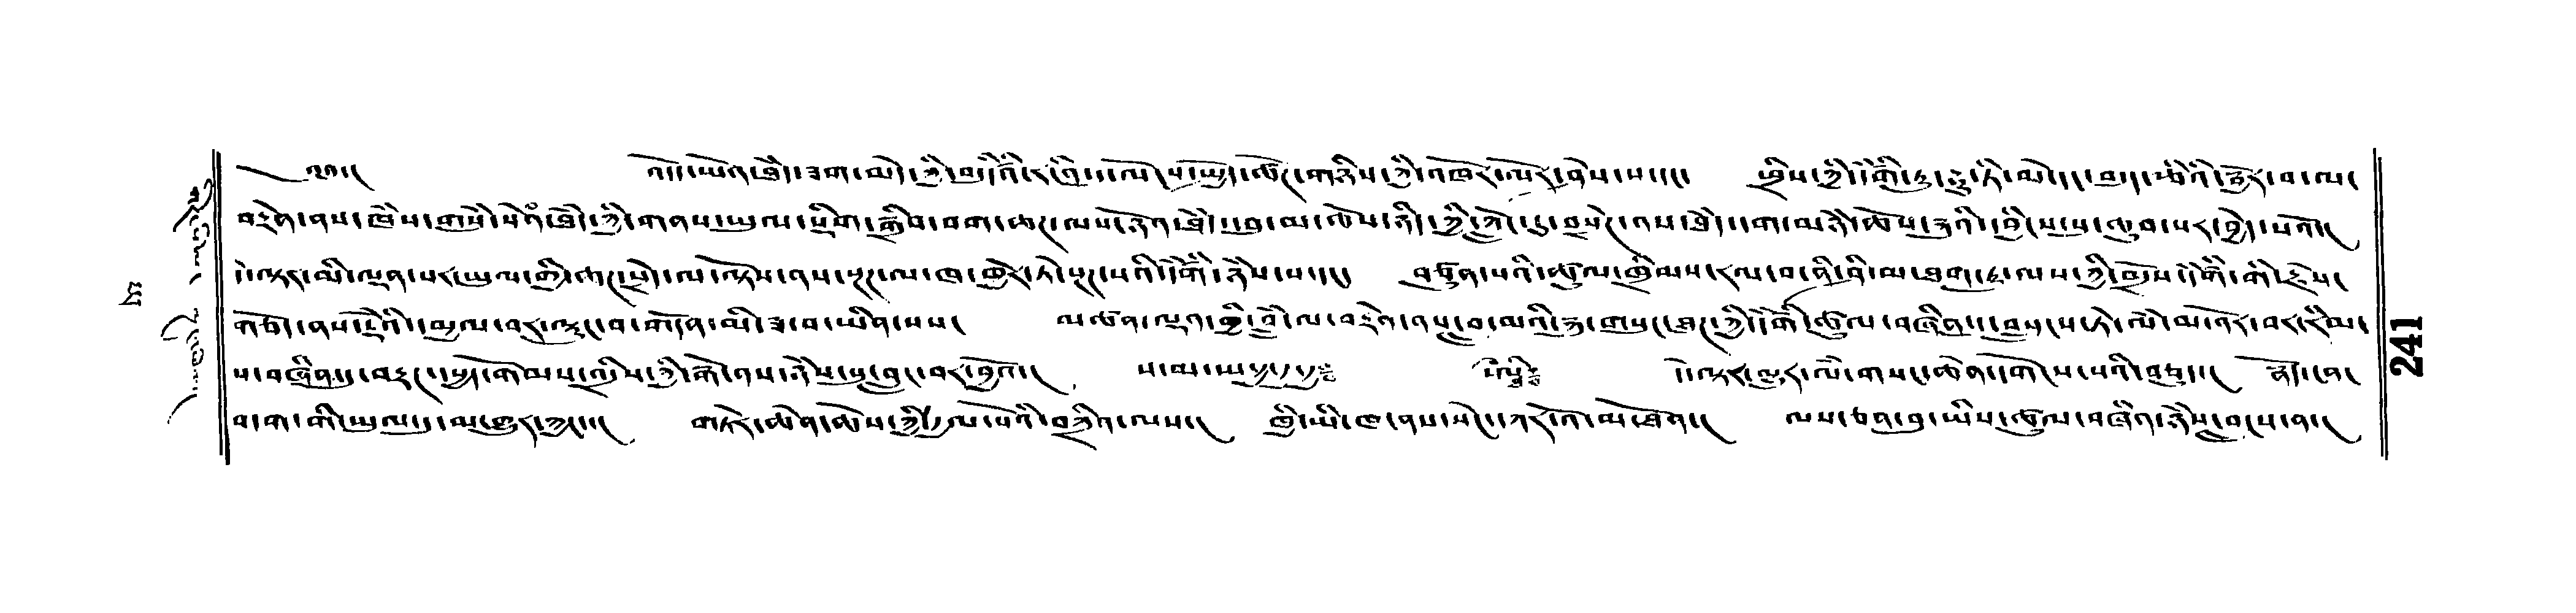འདོད་ཡོན་ཐམས་ཅད་ཟག་མེད་ཀྱི་བདུད་རྩིའི་རང་བཞིན་དུ་ལོངས་སྤྱོད་ཚོགས་གཉིས་ཀྱི་འཁོར་ལོར་ཤེས་པ་དང་། ཕྲིན་ལས་ཀྱི་དམ་ཚིག་ཏུ་དྷུ་ཏིའི་མེ་དང་བདུད་རྩིའི་སྦྱོར་བ་ལ་
བརྟེན་ནས་ཁམས་གསུམ་སེམས་ཅན་ཐམས་ཅད་ཀྱི་གནས་ཡུལ་སྡིག་སྒྲིབ་བག་ཆགས་ལས་ཉོན་ཐམས་ཅད་དབུ་མ་ཆོས་ཉིད་ཀྱི་ཀློང་དུ་བསྲེགས་ནས་ཐམས་ཅད་དག་མཉམ་ཆོས་སྐུའི་དབྱིངས་སུ་ཆུབ་པར་བྱེད་པའོ།
དེ་ལྟར་མི་ལྡན་པར་ཡུལ་གྱི་ཆགས་སྲེད་ལ་ལྟོས་ནས་སྔགས་ལ་ཁ་ཁྱེར་ཏེ་སྔགས་པའི་དམ་ཚིག་ཉམས་པ་དང་། བཙུན་པའི་ཚུལ་ཁྲིམས་རལ་བ་ནི་ཤི་མ་ཐག་ཏུ་ལས་ཀྱི་མཁའ་འགྲོས་དམ་ཚིག་གི་རྗེས་
བཅད་ནས་རྡོ་རྗེའི་དམྱལ་བར་ལྟུང་བ་གདོན་མི་ཟ་བ་ཡིན་པས། མཚན་ལྡན་གྱི་བླ་མ་ལ་བརྟེན་ནས་བླ་མའི་སྐུ་གསུང་ཐུགས་ཀྱི་དམ་ཚིག་ཚུལ་བཞིན་དུ་བསྲུངས་ཏེ་ལམ་མ་ནོར་བར་རིམ་
པ་བཞིན་དུ་བརྟག་དཔྱད་གོམས་འདྲིས་ཀྱི་སྒོ་ནས་ཉམས་སུ་བླང་བར་བྱའོ།། ས་མ་ཡ། རྒྱ་རྒྱ་རྒྱ། ། དེ་ལྟར་མྱུར་ལམ་གསང་ཆེན་དགོངས་པའི་བཅུད། །སྣོད་ངན་
བདག་གི་ཡུལ་དུ་མ་གྱུར་ཀྱང་། །གཏེར་ཆེན་ཆོས་ཀྱི་རྒྱལ་པོའི་བཀའ་དྲིན་ལས། ཁྱི་ཡི་ཁ་ནས་སེང་དཀར་འོ་མ་ཐོན། །ལས་ཅན་བུ་ཡིས་ཚུལ་བཞིན་ཉམས་བླངས་ན།